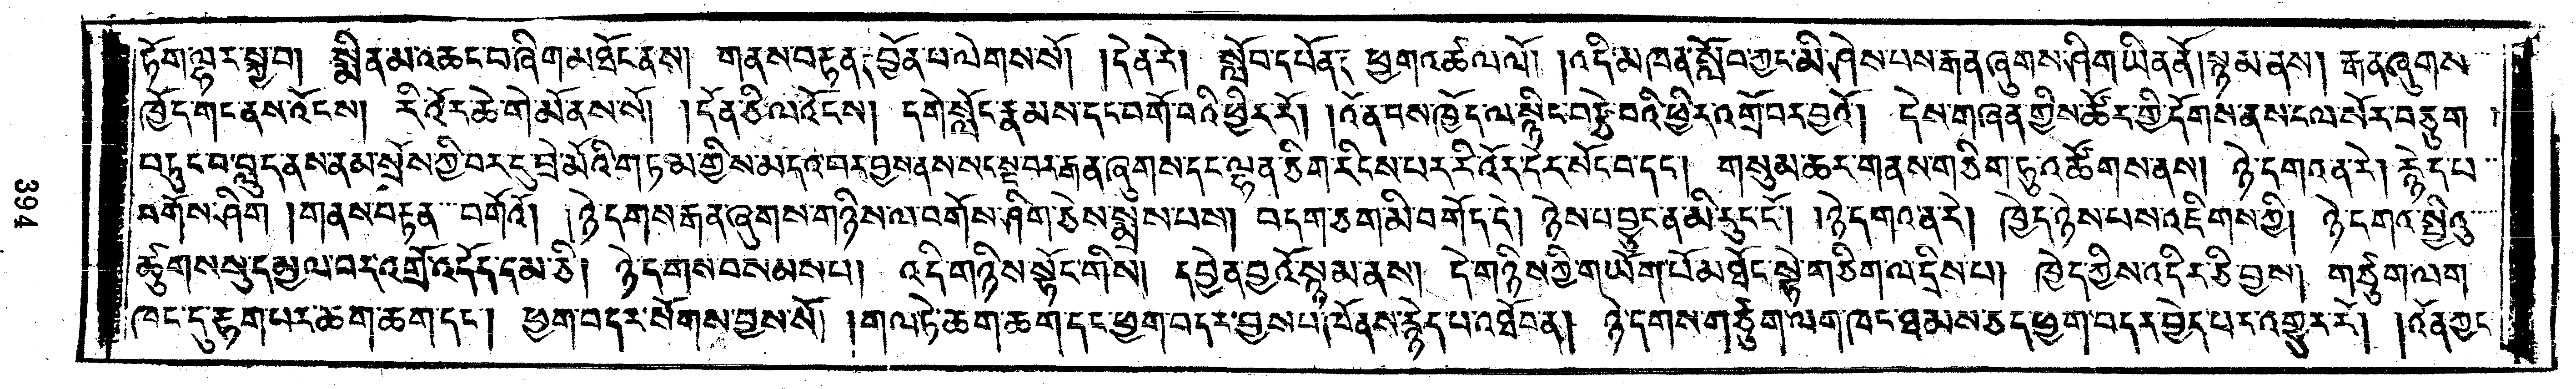ཏོག་ལྷར་སྐྱབ། སྨིན་མ་འཆང་བཞིག་མཐོང་ནས། གནས་བརྟན༑ བྱོན་པ་ལེགས་སོ། །དེ་ན་རེ། སློབ་དཔོན༑ ཕྱག་འཚལ་ལོ། །འདི་མཁན་སློབ་ཀྱང་མི་ཤེས་པས་རྒན་ཞུགས་ཤིག་ཡིན་ནོ། །སྙམ་ནས། རྒན་ཞུགས་
ཁྱོད་གང་ནས་འོངས། རི་འོར་ཆེ་གེ་མོ་ནས་སོ། །དོན་ཅི་ལ་འོངས། དགེ་སློང་རྣམས་དང་བགོ་བའི་ཕྱིར་རོ། །འོ་ན་བས་ཁྱོད་ལ་སྙིང་བརྩེ་བའི་ཕྱིར་འགྲོ་བར་བྱའོ། དེས་གཞན་གྱིས་ཚོར་གྱི་དོགས་ནས་ངལ་སོར་བཅུག་
བཏུང་བ་བླུད་ནས་ནམ་སྲོས་ཀྱི་བར་དུ་བྲེ་མོའི་གཏམ་གྱིས་མདའ་བར་བྱས་ནས་སང་སྔ་བར་རྒན་ཞུགས་དང་ལྷན་ཅིག་རིངས་པར་རི་འོར་དེར་སོང་བ་དང་། གསུམ་ཆར་གནས་གཅིག་ཏུ་འཚོགས་ནས། ཉེ་དགའ་ན་རེ། རྙེད་པ་
བགོས་ཤིག །གནས་བརྟན་བགོའོ། །ཉེ་དགས་རྒན་ཞུགས་གཉིས་ལ་བགོས་ཤིག་ཅེས་སྨྲས་པས། བདག་ཅག་མི་བགོད་དེ། ཉེས་པ་བྱུང་ན་མི་རུང་ངོ། །ཉེ་དགའ་ན་རེ། ཁྱེད་ཉེས་པས་འཇིགས་ཀྱི། ཉེ་དགའ་སྤྱིའུ་
ཚུགས་སུ་དམྱལ་བར་འགྲོ་འདོད་དམ་ཅི། ཉེ་དགས་བསམས་པ། འདི་གཉིས་སྟོང་གིས། དབྱེན་བྱའོ་སྙམ་ནས། དེ་གཉིས་ཀྱི་གཡོག་པོ་མཐོང་སྟེ་གཅིག་ལ་དྲིས་པ། ཁྱེད་ཀྱིས་འདིར་ཅི་བྱས། གཙུག་ལག་
ཁང་དུ་རྟག་པར་ཆག་ཆག་དང་། ཕྱག་བདར་སོགས་བྱས་སོ། །གལ་ཏེ་ཆག་ཆག་དང་ཕྱག་བདར་བྱས་པ་ཁོ་ནས་རྙེད་པ་འཐོབ་ན། ཉེ་དགས་གཙུག་ལག་ཁང་ཐམས་ཅད་ཕྱག་བདར་བྱེད་པར་འགྱུར་རོ། །འོན་ཀྱང་